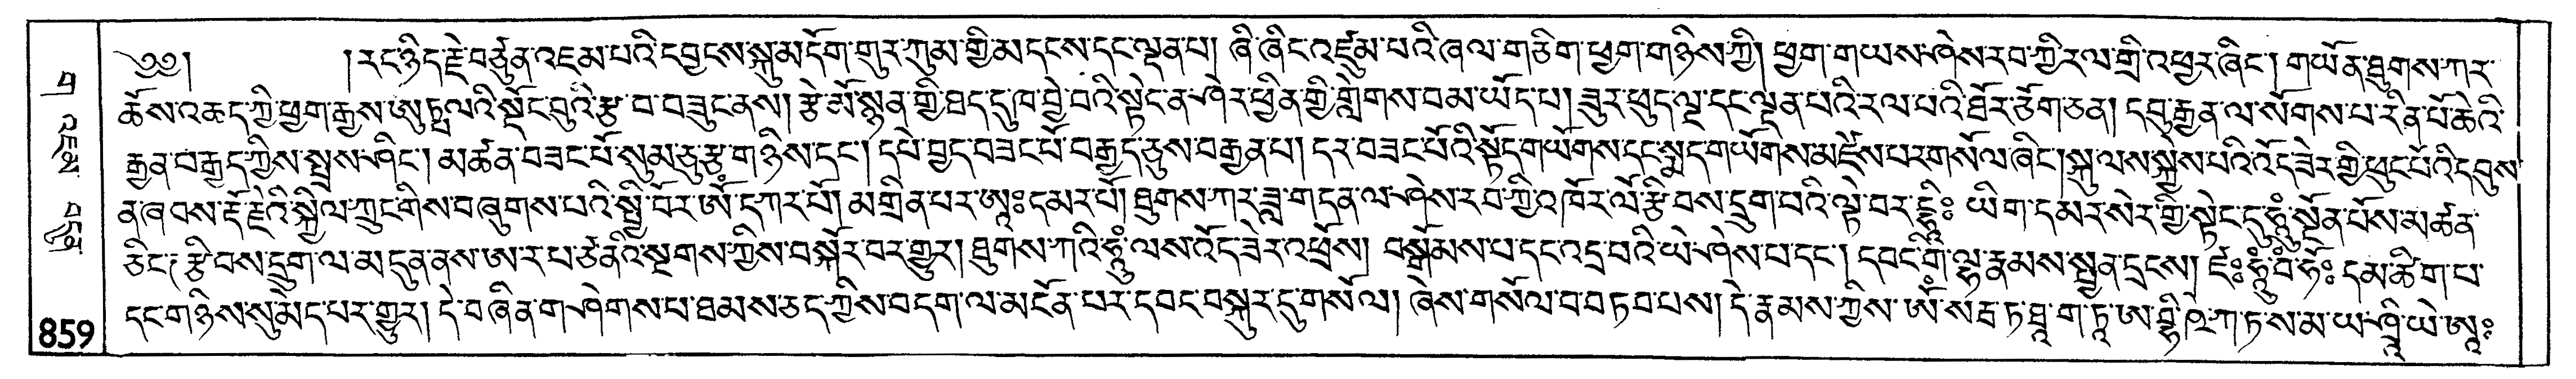༄༅། །རང་ཉིད་རྗེ་བཙུན་འཇམ་པའི་དབྱངས་སྐུ་མདོག་གུར་ཀུམ་གྱི་མདངས་དང་ལྡན་པ། ཞི་ཞིང་འཛུམ་པའི་ཞལ་གཅིག་ཕྱག་གཉིས་ཀྱི། ཕྱག་གཡས་ཤེས་རབ་ཀྱི་རལ་གྲི་འཕྱར་ཞིང་། གཡོན་ཐུགས་ཀར་
ཆོས་འཆད་ཀྱི་ཕྱག་རྒྱས་ཨུཏྤལའི་སྡོང་བུའི་རྩ་བ་བཟུང་ནས། རྩེ་མོ་སྙན་གྱི་ཐད་དུ་ཁ་བྱེ་བའི་སྟེང་ན་ཤེར་ཕྱིན་གྱི་གླེགས་བམ་ཡོད་པ། ཟུར་ཕུད་ལྔ་དང་ལྡན་པའི་རལ་པའི་ཐོར་ཅོག་ཅན། དབུ་རྒྱན་ལ་སོགས་པ་རིན་པོ་ཆེའི་
རྒྱན་བརྒྱད་ཀྱིས་སྤྲས་ཤིང་། མཚན་བཟང་པོ་སུམ་ཅུ་རྩ་གཉིས་དང་། དཔེ་བྱད་བཟང་པོ་བརྒྱད་ཅུས་བརྒྱན་པ། དར་བཟང་པོའི་སྟོད་གཡོགས་དང་སྨད་གཡོགས་མཛེས་པར་གསོལ་ཞིང་། སྐུ་ལས་སྐྱེས་པའི་འོད་ཟེར་གྱི་ཕུང་པོའི་དབུས་
ན་ཞབས་རྡོ་རྗེའི་སྐྱིལ་ཀྲུང་གིས་བཞུགས་པའི་སྤྱི་བོར་ཨོཾ་དཀར་པོ། མགྲིན་པར་ཨཱཿ དམར་པོ། ཐུགས་ཀར་ཟླ་གདན་ལ་ཤེས་རབ་ཀྱི་འཁོར་ལོ་རྩིབས་དྲུག་པའི་ལྟེ་བར་དྷཱིཿ ཡིག་དམར་སེར་གྱི་སྟེང་དུ་ཧཱུཾ་སྔོན་པོས་མཚན་
ཅིང༑ རྩིབས་དྲུག་ལ་མདུན་ནས་ཨ་ར་པ་ཙ་ནའི་སྔགས་ཀྱིས་བསྐོར་བར་གྱུར། ཐུགས་ཀའི་ཧཱུཾ་ལས་འོད་ཟེར་འཕྲོས། བསྒོམས་པ་དང་འདྲ་པའི་ཡེ་ཤེས་པ་དང་། དབང་གི་ལྷ་རྣམས་སྤྱན་དྲངས། ཛཿ ཧཱུཾ་བཾ་ཧོཿ དམ་ཚིག་པ་
དང་གཉིས་སུ་མེད་པར་གྱུར། དེ་བཞིན་གཤེགས་པ་ཐམས་ཅད་ཀྱིས་བདག་ལ་མངོན་པར་དབང་བསྐུར་དུ་གསོལ། ཞེས་གསོལ་བ་བཏབ་པས། དེ་རྣམས་ཀྱིས་ཨོཾ་སརྦ་ཏ་ཐཱ་ག་ཏཱ་ཨ་བྷི་ཥེ་ཀ་ཏ་ས་མ་ཡ་ཤྲཱི་ཡེ་ཨཱཿ